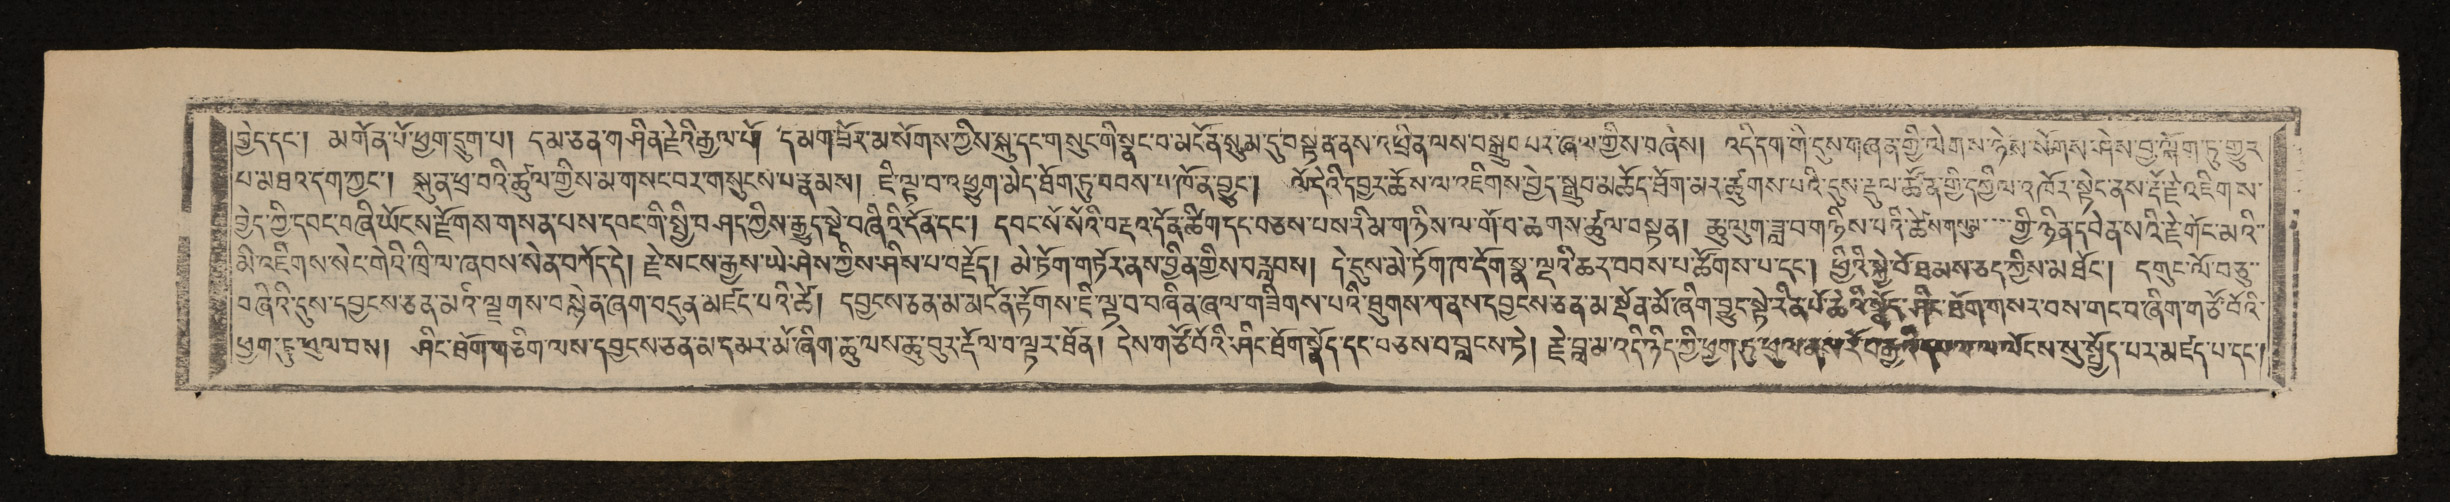བྱེད་དང་། མགོན་པོ་ཕྱག་དྲུག་པ། དམ་ཅན་གཤིན་རྗེའི་རྒྱལ་པོ། དམག་ཟེར་མ་སོགས་ཀྱིས་སྐུ་དང་གསུང་གི་སྣང་བ་མངོན་སུམ་དུ་བསྟན་ནས་འཕྲིན་ལས་བསྒྲུབ་པར་ཞལ་གྱིས་བཞེས། འདི་དག་གི་དུས་གཞན་གྱི་ལེགས་ཉེས་སོགས་ཤེས་བྱ་ལྐོག་ཏུ་གྱུར་
པ་མཐའ་དག་ཀྱང་། སྐུ་ན་ཕྲ་བའི་ཚུལ་གྱིས་མ་གསང་བར་གསུངས་པ་རྣམས། ཇི་ལྟ་བ་འཕྱུག་མེད་ཐོག་ཏུ་བབས་པ་ཁོ་ན་བྱུང་། ལ་དེའི་དབྱར་ཆོས་ལ་འཇིགས་བྱེད་སྒྲུབ་མཆོད་ཐོག་མར་ཚུགས་པའི་དུས་རྡུལ་ཚོན་གྱི་དཀྱིལ་འཁོར་སྟེང་ནས་རྡོ་རྗེ་འཇིགས་
བྱེད་ཀྱི་དབང་བཞི་ཡོངས་རྫོགས་གསན་པས་དབང་གི་སྤྱི་བཤད་ཀྱིས་རྒྱུད་སྡེ་བཞིའི་དོན་དང་། དབང་སོ་སོའི་བརྡའ་དོན་ཚིག་དང་བཅས་པས་རིམ་གཉིས་ལ་གོ་བ་ཆགས་ཚུལ་བསྟན། ཆུ་ལུག་ཟླ་བ་གཉིས་པའི་ཚེས་གསུམ་གྱི་ཉིན་དབེན་སའི་རྗེ་གོང་མའི་
མི་འཇིགས་སེང་གེའི་ཁྲིལ་ཞབས་སེན་བཀོད་དེ། རྗེ་སངས་རྒྱས་ཡེ་ཤེས་ཀྱིས་ཤིས་པ་བརྗོད། མེ་ཏོག་གཏོར་ནས་བྱིན་གྱིས་བརླབས། དེ་དུས་མེ་ཏོག་ཁ་དོག་སྣ་ལྔའི་ཆར་བབས་པ་ཚོགས་པ་དང་། ཕྱིའི་སྐྱེ་བོ་ཐམས་ཅད་ཀྱིས་མཐོང་། དགུང་ལོ་བཅུ་
བཞིའི་དུས་དབྱངས་ཅན་མའི་ལྗགས་བསྙེན་ཞག་བདུན་མཛད་བའི་ཚེ། དབྱངས་ཅན་མ་མངོན་རྟོགས་ཇི་ལྟ་བ་བཞིན་ཞལ་གཟིགས་པའི་ཐུགས་ཀ་ནས་དབྱངས་ཅན་མ་སྔོན་མོ་ཞིག་བྱུང་སྟེ་རིན་པོ་ཆེའི་སྣོད་ཤིང་ཐོག་གསར་བས་གང་བ་ཞིག་གཙོ་བོའི་
ཕྱག་ཏུ་ཕུལ་བས། ཤིང་ཐོག་གཅིག་ལས་དབྱངས་ཅན་མ་དམར་མོ་ཞིག་ཆུ་ལས་ཆུ་བུར་རྡོལ་བ་ལྟར་ཐོན། དེས་གཙོ་བོའི་ཤིང་ཐོག་སྣོད་དང་བཅས་པ་བླངས་ཏེ། རྗེ་བླ་མ་འདི་ཉིད་ཀྱི་ཕྱག་ཏུ་ཕུལ་ནས་རོ་བརྒྱའི་དཔལ་ལ་ལོངས་སུ་སྤྱོད་པར་མཛད་པ་དང་།